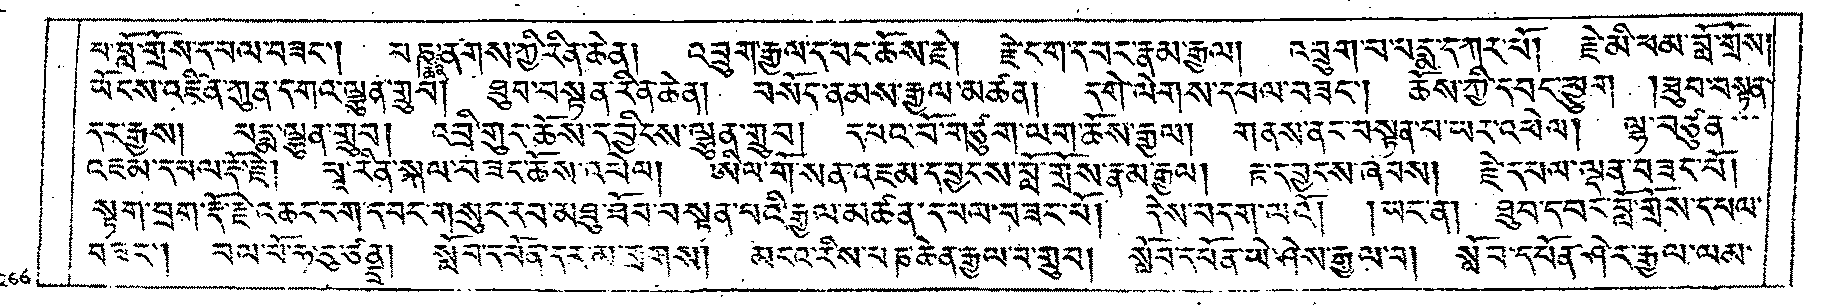པ་བློ་གྲོས་དཔལ་བཟང་། པཎ་ཆེན་ནགས་ཀྱི་རིན་ཆེན། འབྲུག་རྒྱལ་དབང་ཆོས་རྗེ། རྗེ་ངག་དབང་རྣམ་རྒྱལ། འབྲུག་པ་པདམ་དཀར་པོ། རྗེ་མི་ཕམ་བློ་གྲོས།
ཡོངས་འཛིན་ཀུན་དགའ་ལྷུན་གྲུབ། ཐུབ་བསྟན་རིན་ཆེན། བསོད་ནམས་རྒྱལ་མཚན། དགེ་ལེགས་དཔལ་བཟང་། ཆོས་ཀྱི་དབང་ཕྱུག །ཐུབ་བསྟན་
དར་རྒྱས། པདམ་ལྷུན་གྲུབ། འབྲི་གུང་ཆོས་དབྱིངས་ལྷུན་གྲུབ། དཔའ་བོ་གཙུག་ལག་ཆོས་རྒྱལ། གནས་ནང་བསྟན་པ་ཡར་འཕེལ། ལྷ་བཙུན་
འཇམ་དཔལ་རྡོ་རྗེ། པཱ་རིན་སྐལ་བཟང་ཆོས་འཕེལ། ཨིལ་གོ་སན་འཇམ་དབྱངས་བློ་གྲོས་རྣམ་རྒྱལ། རྟ་དབྱངས་ཞབས། རྗེ་དཔལ་ལྡན་བཟང་པོ།
སྟག་བྲག་རྡོ་རྗེ་འཆང་ངག་དབང་གསུང་རབ་མཐུ་ཐོབ་བསྟན་པའི་རྒྱལ་མཚན་དཔལ་བཟང་པོ། དེས་བདག་ལའོ། །ཡང་ན། ཐུབ་དབང་བློ་གྲོས་དཔལ་
བཟང་། བལ་པོ་ཧ་ངུ་ཙནྡྲ། སློབ་དཔོན་དར་མ་གྲགས། མངའ་རིས་པཎ་ཆེན་རྒྱལ་བ་གྲུབ། སློབ་དཔོན་ཡེ་ཤེས་རྒྱལ་བ། སློབ་དཔོན་ཤེར་རྒྱལ་ལམ་